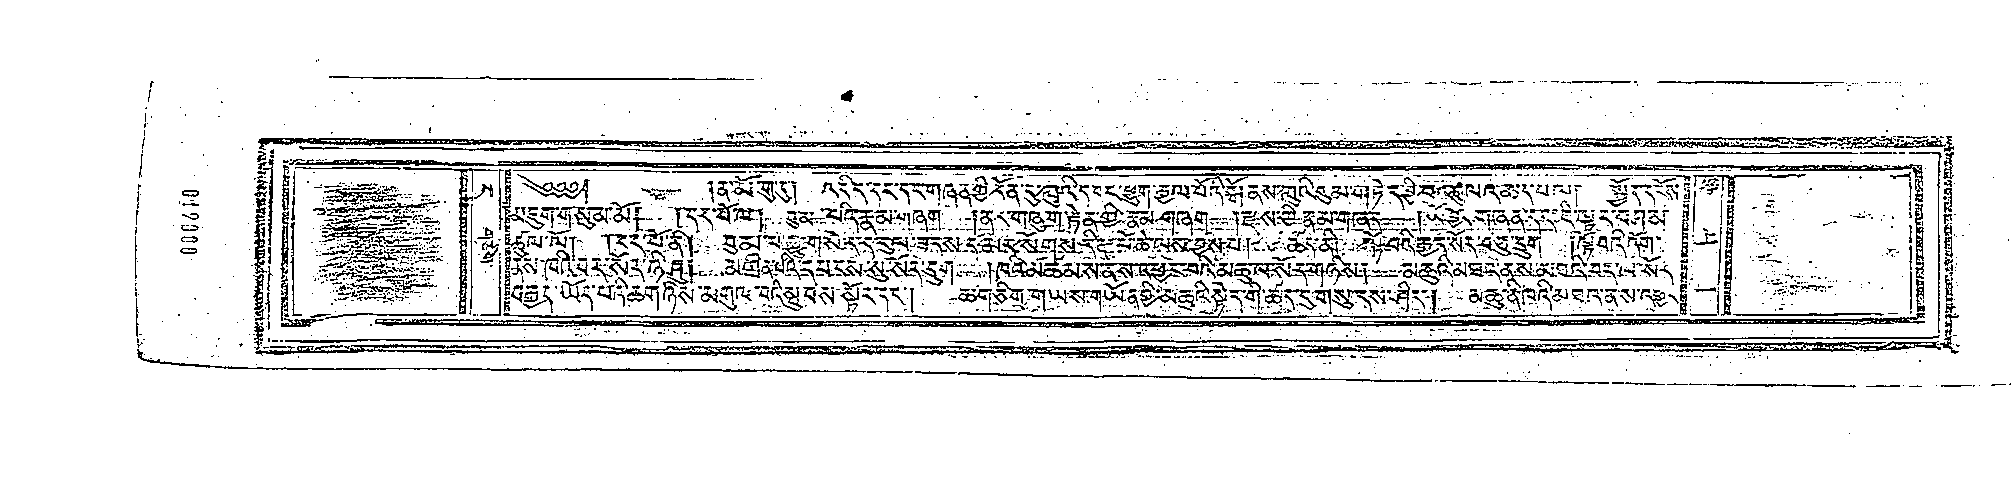༄༅༅། །ན་མོ་གུ་རུ། འདིར་དང་རང་གཞན་གྱི་དོན་དུ་ཀླུའི་དབང་ཕྱུག་རྒྱལ་པོའི་སྒོ་ནས་ཀླུའི་བུམ་གཏེར་བྱིབ་ཚུལ་འཆད་པ་ལ། སྦྱོར་དངོས་
མཇུག་གསུམ་མོ། །དང་པོ་ལ། བུམ་པའི་རྣམ་གཞག །ནང་གཞུག་རྟེན་གྱི་རྣམ་གཞག །རྫས་ཀྱི་རྣམ་གཞག །ཡོ་བྱེད་གཞན་དང་ཇི་ལྟར་བཤམ་
ཚུལ་ལོ། །དང་པོ་ནི། བུམ་པ་རྒྱུ་གསེར་དངུལ་ཟངས་དམར་སོགས་རིན་པོ་ཆེ་ལས་བྱས་པ། ཚད་ནི། ལྟོ་བའི་རྒྱད་སོར་བཅུ་དྲུག །ལྟོ་བའི་འོག་
ནས་ཁའི་བར་སོར་ཉི་ཤུ། མགྲིན་པའི་དཔངས་སུ་སོར་དྲུག །ཁའི་མཚམས་ནས་འཕྱང་བའི་མཆུ་ལ་སོར་གཉིས། མཆུའི་མཐའ་ནས་མཐའི་བར་ལ་སོར་
བརྒྱད་ཡོད་པའི་ཆ་གཉིས་མགུལ་བའི་སྦུབས་སྟོང་དང་། ཆ་གཅིག་གཡས་གཡོན་གྱི་མཆུའི་སྟེད་གི་ཚད་དུ་གསུངས་ཤིང་། མཆུ་ནི་ཁའི་མཐའ་ནས་འཕྱང་